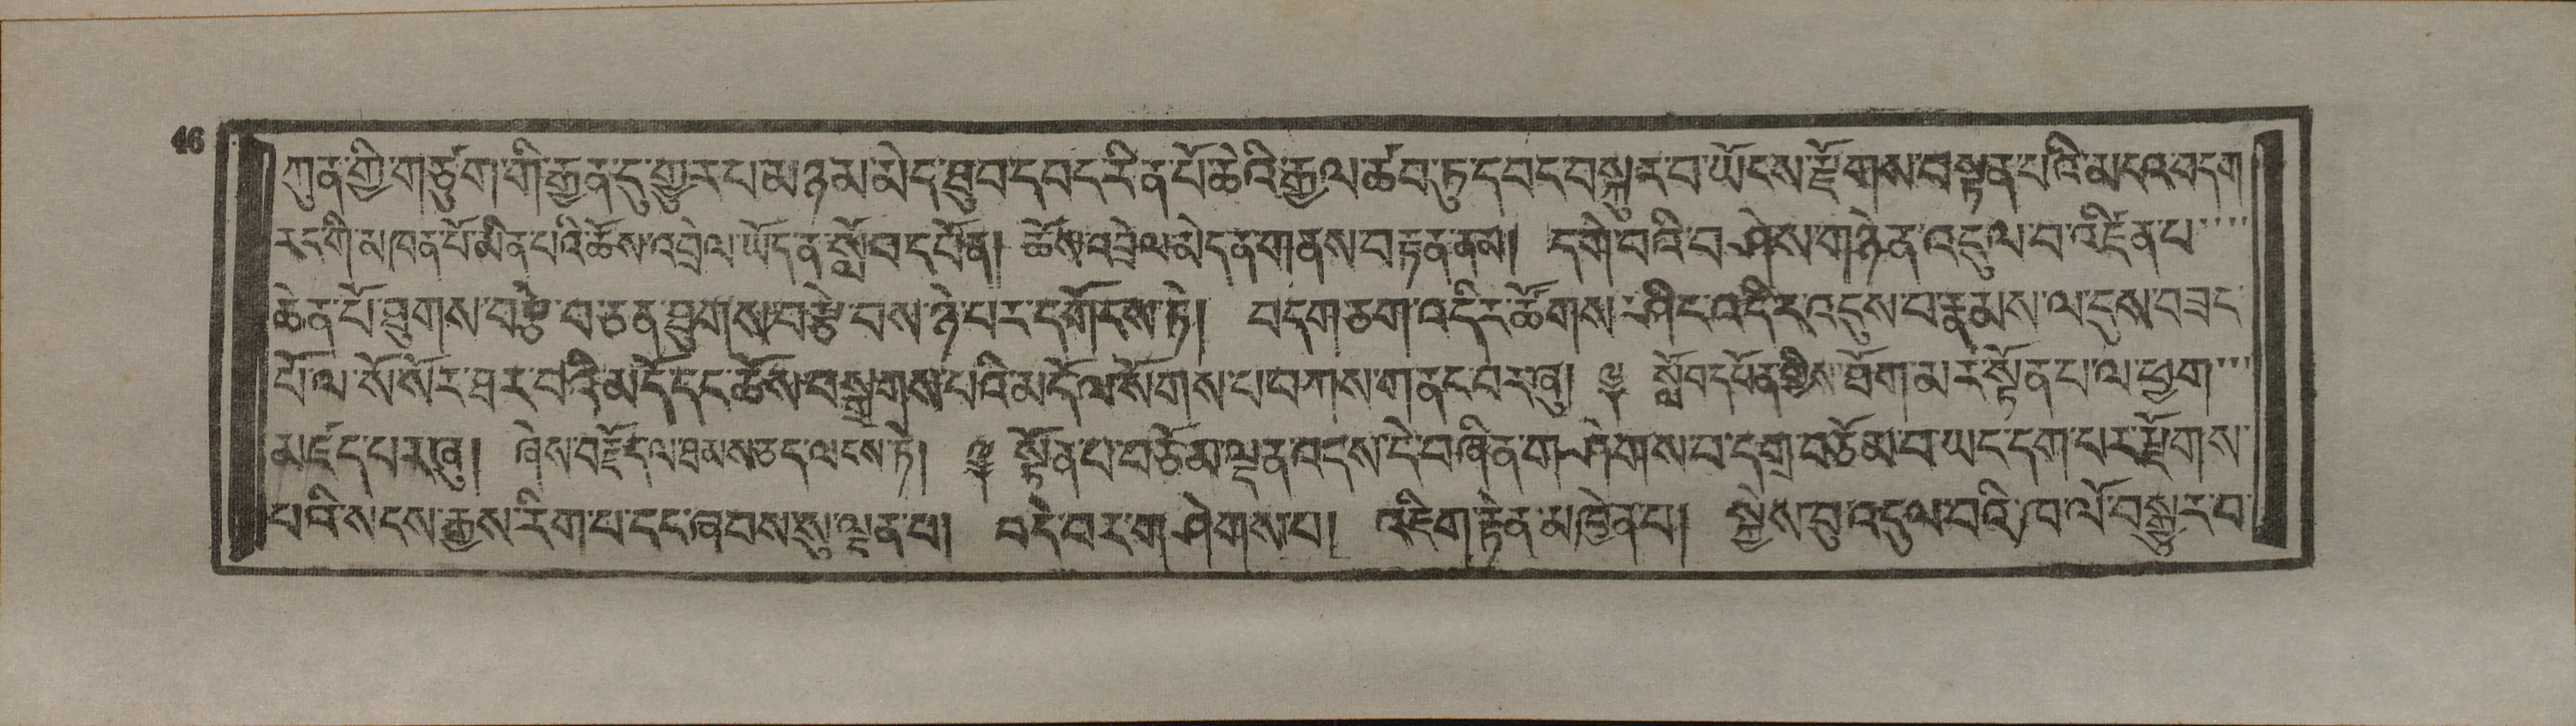ཀུན་གྱི་གཙུག་གི་རྒྱན་དུ་གྱུར་པ་མཉམ་མེད་ཐུབ་དབང་རིན་པོ་ཆེའི་རྒྱལ་ཚབ་ཏུ་དབང་བསྐུར་བ་ཡོངས་རྫོགས་བསྟན་པའི་མངའ་བདག་
རང་གི་མཁན་པོ་མིན་པའི་ཆོས་འབྲེལ་ཡོད་ན་སློབ་དཔོན། ཆོས་འབྲེལ་མེད་ན་གནས་བརྟན་ནམ། དགེ་བའི་བཤེས་གཉེན་འདུལ་བ་འཛིན་པ་
ཆེན་པོ་ཐུགས་བརྩེ་བ་ཅན་ཐུགས་བརྩེ་བས་ཉེ་པར་བར་དགོངས་ཏེ། བདག་ཅག་འདིར་ཚོགས་ཤིང་འདིར་འདུས་པ་རྣམས་ལ་དུས་བཟང་
པོ་ལ་སོ་སོར་ཐར་པའི་མདོ་དང་ཆོས་བསྒྲགས་པའི་མདོ་ལ་སོགས་པ་བཀས་གནང་བར་ཞུ། ༈ སློབ་དཔོན་གྱིས་ཐོག་མར་སྟོན་པ་ལ་ཕྱག་
མཛད་པར་ཞུ། ཞེས་བརྗོད་ལ་ཐམས་ཅད་ལངས་ཏེ།  ༈ སྟོན་པ་བཅོམ་ལྡན་འདས་དེ་བཞིན་གཤེགས་པ་དགྲ་བཅོམ་པ་ཡང་དག་པར་རྫོགས་
པའི་སངས་རྒྱས་རིག་པ་དང་ཞབས་སུ་ལྡན་པ། བདེ་བར་གཤེགས་པ། འཇིག་རྟེན་མཁྱེན་པ། སྐྱེས་བུ་འདུལ་བའི་ཁ་ལོ་བསྒྱུར་བ་